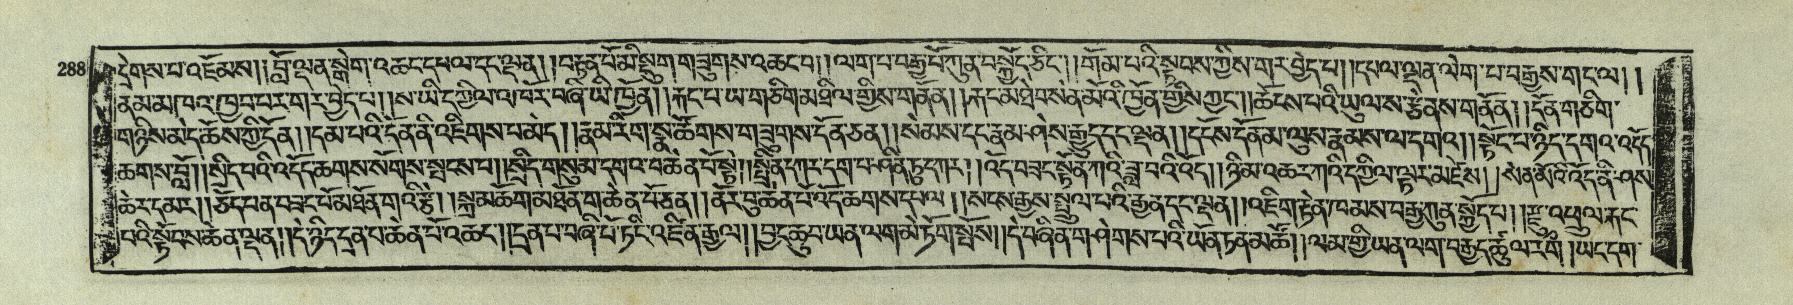དྲེགས་པ་འཇོམས། །བློ་ལྡན་སྒེག་འཆང་དཔལ་དང་ལྡན། །བརྟན་པོ་མི་སྡུག་གཟུགས་འཆང་བ། །ལག་པ་བརྒྱ་པོ་ཀུན་བསྐྱོད་ཅིང་། །གོམ་པའི་སྟབས་ཀྱིས་གར་བྱེད་པ། །དཔལ་ལྡན་ལེག་པ་བརྒྱས་གང་ལ། །
ནམ་མཁའ་ཁྱབ་པར་གར་བྱེད་པ། །ས་ཡི་དཀྱིལ་འཁོར་བཞི་ཡི་ཁྱོན། །རྐང་པ་ཡ་གཅིག་མཐིལ་གྱིས་གནོན། །རྐང་མཐེབ་སེན་མོའི་ཁྱོན་གྱིས་ཀྱང་། །ཆོངས་པའི་ཡུལ་ས་རྩེ་ནས་གནོན། །དོན་གཅིག་
གཉིས་མེད་ཆོས་ཀྱི་དོན། །དམ་པའི་དོན་ནི་འཇིགས་པ་མེད། །རྣམ་རིག་སྣ་ཚོགས་གཟུགས་དོན་ཅན། །སེམས་དང་རྣམ་ཤེས་རྒྱུད་དང་ལྡན། །དངོས་དོན་མ་ལུས་རྣམས་ལ་དགའ། །སྟོང་པ་ཉིད་དགའ་འདོད་
ཆགས་བློ། །སྲིད་པའི་འདོད་ཆགས་སོགས་སྤངས་པ། །སྲིད་གསུམ་དགའ་བ་ཆེན་པོ་སྟེ། །སྤྲིན་དཀར་དག་པ་ཤིན་ཏུ་དཀར། །འོད་བཟང་སྟོན་ཀའི་ཟླ་བའི་འོད། །ཉི་མ་འཆར་ཀའི་དཀྱིལ་ལྟར་མཛེས། །སེན་མོའི་འོད་ནི་ཤས་
ཆེར་དམར། །ཅོད་པན་བཟང་པོ་མཐོན་གའི་རྩེ། །སྐྲ་མཆོག་མཐོན་ག་ཆེན་པོ་ཅན། །ནོར་བུ་ཆེན་པོ་འོད་ཆགས་དཔལ། །སངས་རྒྱས་སྤྲུལ་པའི་རྒྱན་དང་ལྡན། །འཇིག་རྟེན་ཁམས་བརྒྱ་ཀུན་སྐྱོད་པ། །རྫུ་འཕྲུལ་རྐང་
པའི་སྟོབས་ཆེན་ལྡན། །དེ་ཉིད་དྲན་པ་ཆེན་པོ་འཆང་། །དྲན་པ་བཞི་པོ་ཏིང་འཛིན་རྒྱལ། །བྱང་ཆུབ་ཡན་ལག་མེ་ཏོག་སྤོས། །དེ་བཞིན་གཤེགས་པའི་ཡོན་ཏན་མཚོ། །ལམ་གྱི་ཡན་ལག་བརྒྱད་ཚུལ་རྀག །ཡང་དག་